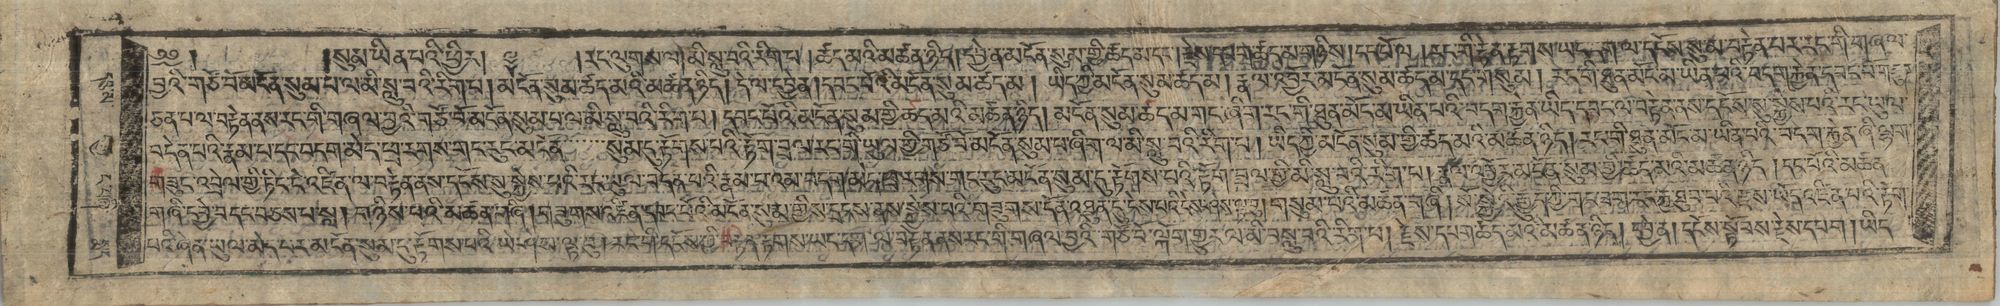༄༅། །སུམ་ཡིན་པའི་ཕྱིར། ༈ །རང་ལུགས་ལ། མི་སླུ་བའི་རིག་པ། ཚད་མའི་མཚན་ཉིད། དབྱེ་ན་མངོན་སུམ་གྱི་ཚད་མ་དང་། རྗེས་དཔག་ཚད་མ་གཉིས། དང་པོ་ལ། རང་གི་རྟེན་རྟགས་ཡང་དག་ལ་དངོས་སུ་མ་བརྟེན་པར་རང་གི་གཞལ་
བྱའི་གཙོ་བོ་མངོན་སུམ་པ་ལ་མི་སླུ་བའི་རིག་པ། མངོན་སུམ་ཚད་མའི་མཚན་ཉིད། དེ་ལ་དབྱེ་ན། དབང་པོའི་མངོན་སུམ་ཚད་མ། ཡིད་ཀྱི་མངོན་སུམ་ཚད་མ། རྣལ་འབྱོར་མངོན་སུམ་ཚད་མ་དང་གསུམ། རང་གི་ཐུན་མོང་མ་ཡིན་པའི་བདག་རྐྱེན་དབང་པོ་གཟུགས་
ཅན་པ་ལ་བརྟེན་ནས་རང་གི་གཞལ་བྱའི་གཙོ་བོ་མངོན་སུམ་པ་ལ་མི་སླུ་བའི་རིག་པ། དབང་པོའི་མངོན་སུམ་གྱི་ཚད་མའི་མཚན་ཉིད། མངོན་སུམ་ཚད་མ་གང་ཞིག་རང་གི་ཐུན་མོང་མ་ཡིན་པའི་བདག་རྐྱེན་ཡིད་དབང་ལ་བརྟེན་ནས་དངོས་སུ་སྐྱེས་པའི་རང་ཡུལ་
བདེན་པའི་རྣམ་པ་དང་བདག་མེད་ཕྲ་རགས་གང་རུང་མངོན་སུམ་དུ་རྟོགས་པའི་རྟོག་བྲལ་རང་གི་ཡུལ་གྱི་གཙོ་བོ་མངོན་སུམ་པ་ཞིག་ལ་མི་སླུ་བའི་རིག་པ། ཡིད་ཀྱི་མངོན་སུམ་གྱི་ཚད་མའི་མཚན་ཉིད། རང་གི་ཐུན་མོང་མ་ཡིན་པའི་བདག་རྐྱེན་ཞི་ལྷག་
ཟུང་འབྲེལ་གྱི་ཏིང་ངེ་འཛིན་ལ་བརྟེན་ནས་དངོས་སུ་སྐྱེས་པའི་རང་ཡུལ་བདེན་པའི་རྣམ་པའམ་བདག་མེད་ཕྲ་རགས་གང་རུང་མངོན་སུམ་དུ་རྟོགས་པའི་རྟོག་བྲལ་གྱི་མི་སླུ་བའི་རིག་པ། རྣལ་འབྱོར་མངོན་སུམ་གྱི་ཚད་མའི་མཚན་ཉིད། དང་པོའི་མཚན་
གཞི་དབྱེ་བ་དང་བཅས་པ་སླ། གཉིས་པའི་མཚན་གཞི། གཟུགས་འཛིན་དབང་པོའི་མངོན་སུམ་གྱིས་དྲངས་ནས་སྐྱེས་པའི་གཟུགས་དོན་འཐུནྡུ་ངེས་པའི་ངེས་ཤེས་ལྟ་བུ། གསུམ་པའི་མཚན་གཞི། སོ་སྐྱེའི་རྒྱུད་ཀྱི་གང་ཟག་རང་རྐྱ་ཐུབ་པའི་རྫས་ཡོད་འཛིན་པའི་རྟོག་
པའི་ཞེན་ཡུལ་མེད་པར་མངོན་སུམ་དུ་རྟོགས་པའི་ཡེ་ཤེས་ལྟ་བུ། རང་གི་དངོས་ཀྱི་བརྟེན་རྟགས་ཡང་དག་ལ་བརྟེན་ནས་རང་གི་གཞལ་བྱའི་གཙོ་བོ་ལྐོག་གྱུར་ལ་མི་བསླུ་བའི་རིག་པ། རྗེས་དཔག་ཚད་མའི་མཚན་ཉིད། དབྱེ་ན། དངོས་སྟོབས་རྗེས་དཔག །ཡིད་